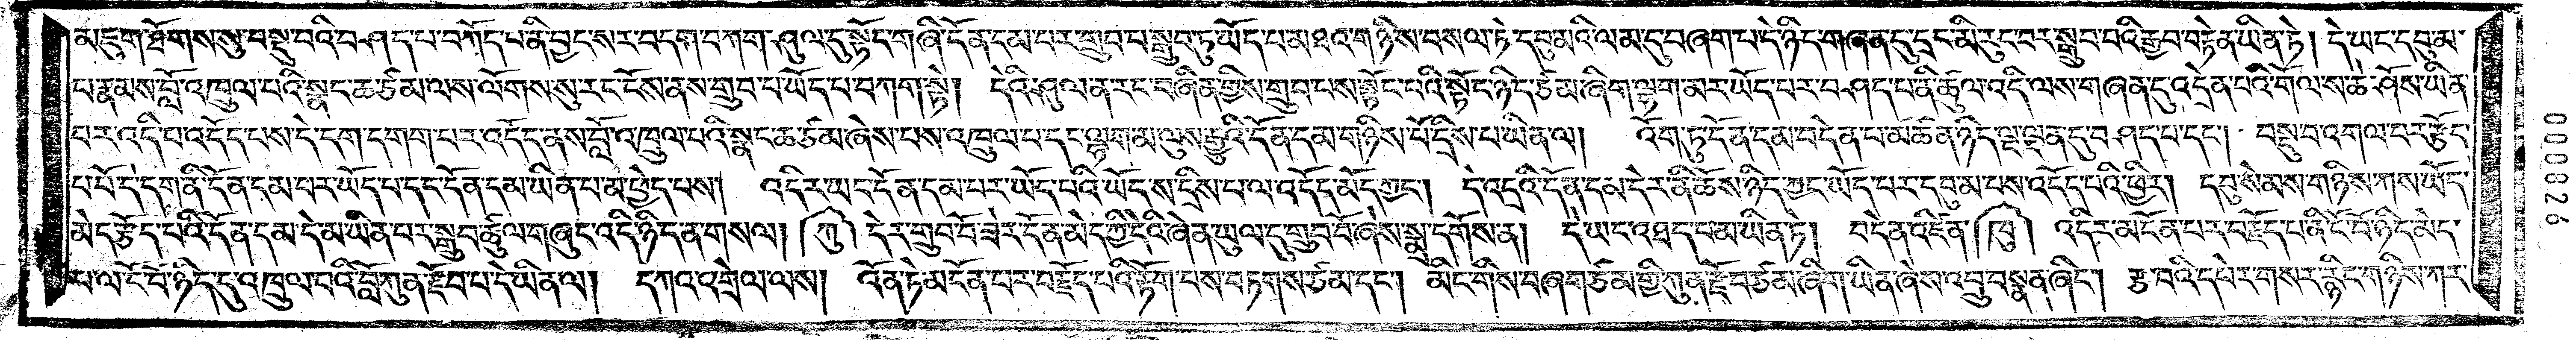མཇུག་ཐོགས་སུ་བསྡུ་བའི་བཤད་པ་བཀོད་པ་ནི་བྱང་སར་བདག་བཀག་ཤུལ་དུ་སྟོང་གཞི་དོན་དམ་པར་གྲུབ་པ་སྒྲུབ་ཏུ་ཡོད་པ་མཐའ་གཉིས་བསལ་ཏེ་དབུ་མའི་ལམ་དུ་བཞག་པ་དེ་ཉིད་གཞན་དུ་དྲང་མི་རུང་བར་སྒྲུབ་པའི་རྒྱབ་བརྟེན་ཡིན་ཏེ། དེ་ཡང་དབུ་མ་
པ་རྣམས་བློ་འཁྲུལ་པའི་སྣང་ཆ་ཙམ་ལས་ལོགས་སུ་རང་ངོས་ནས་གྲུབ་པ་ཡོད་པ་བཀག་སྟེ། དེའི་ཤུལ་ན་རང་བཞིན་གྱིས་གྲུབ་པས་སྟོང་པའི་སྟོང་ཉིད་ཙམ་ཞིག་ལྷག་མར་ཡོད་པར་བཤད་པ་ནི་ཚུལ་འདི་ལས་གཞན་དུ་འདྲེན་པའི་གོལ་ས་ཆེ་ཤོས་ཡིན་
པར་འདི་པ་འདོད་པས་དེ་དག་དགག་པར་འདོད་ནས་བློ་འཁྲུལ་པའི་སྣང་ཆ་ཙམ་ཞེས་པས་འཁྲུལ་པ་དང་ལྷག་མ་ལུས་རྒྱུའི་དོན་དམ་གཉིས་པོ་དྲིས་པ་ཡིན་ལ། འོག་ཏུ་དོན་དམ་བདེན་པ་མཚན་ཉིད་ལྔ་ལྡན་དུ་བཤད་པ་དང་། བསྡུ་བ་འགལ་བར་རྩོད་
པ་པོ་དེ་དག་ནི་དོན་དམ་པར་ཡོད་པ་དང་དོན་དམ་ཡིན་པ་མ་ཕྱེད་པས། འདིར་ཡང་དོན་དམ་པར་ཡོད་པའི་ཡོད་ས་དྲིས་པ་ལ་འདོད་མོད་ཀྱང་། དེ་འདྲའི་དོན་དམ་དེར་ནི་ཆོས་ཉིད་ཀྱང་ཡོད་པར་དབུ་མ་པས་འདོད་པའི་ཕྱིར། དབུ་སེམས་གཉིས་ཀས་ཡོད་
མེད་རྩོད་པའི་དོན་དམ་དེ་མ་ཡིན་པར་སྒྲུབ་ཚུལ་གཞུང་འདི་ཉིད་ན་གསལ། ༼ཀུ༽ དེར་གྲུབ་བོ་ཟེར་དོན་མེད་ཀྱི་དེའི་ཞེན་ཡུལ་དུ་གྲུབ་བོ་ཞེས་སྨྲ་དགོས་ན། དེ་ཡང་འཐད་པ་མ་ཡིན་ཏེ། བདེན་འཛིན ༼ཁུ༽ འདིར་མངོན་པར་བརྗོད་པ་ནི་ངོ་བོ་ཉིད་མེད་
པ་ལ་ངོ་བོ་ཉིད་དུ་འཁྲུལ་བའི་བློ་ཀུན་རྫོབ་པ་དེ་ཡིན་ལ། དཀའ་འགྲེལ་ལས། འོན་ཏེ་མངོན་པར་བརྗོད་པའི་རྟོག་པས་བཏགས་ཙམ་དང་། མིང་གིས་བཞག་ཙམ་གྱི་ཀུན་རྫོབ་ཙམ་ཞིག་ཡིན་ཞེས་འབྲུ་བསྣན་ཞིང་། རྩ་བའི་དཔེར་གསར་རྙིང་གཉིས་ཀར་